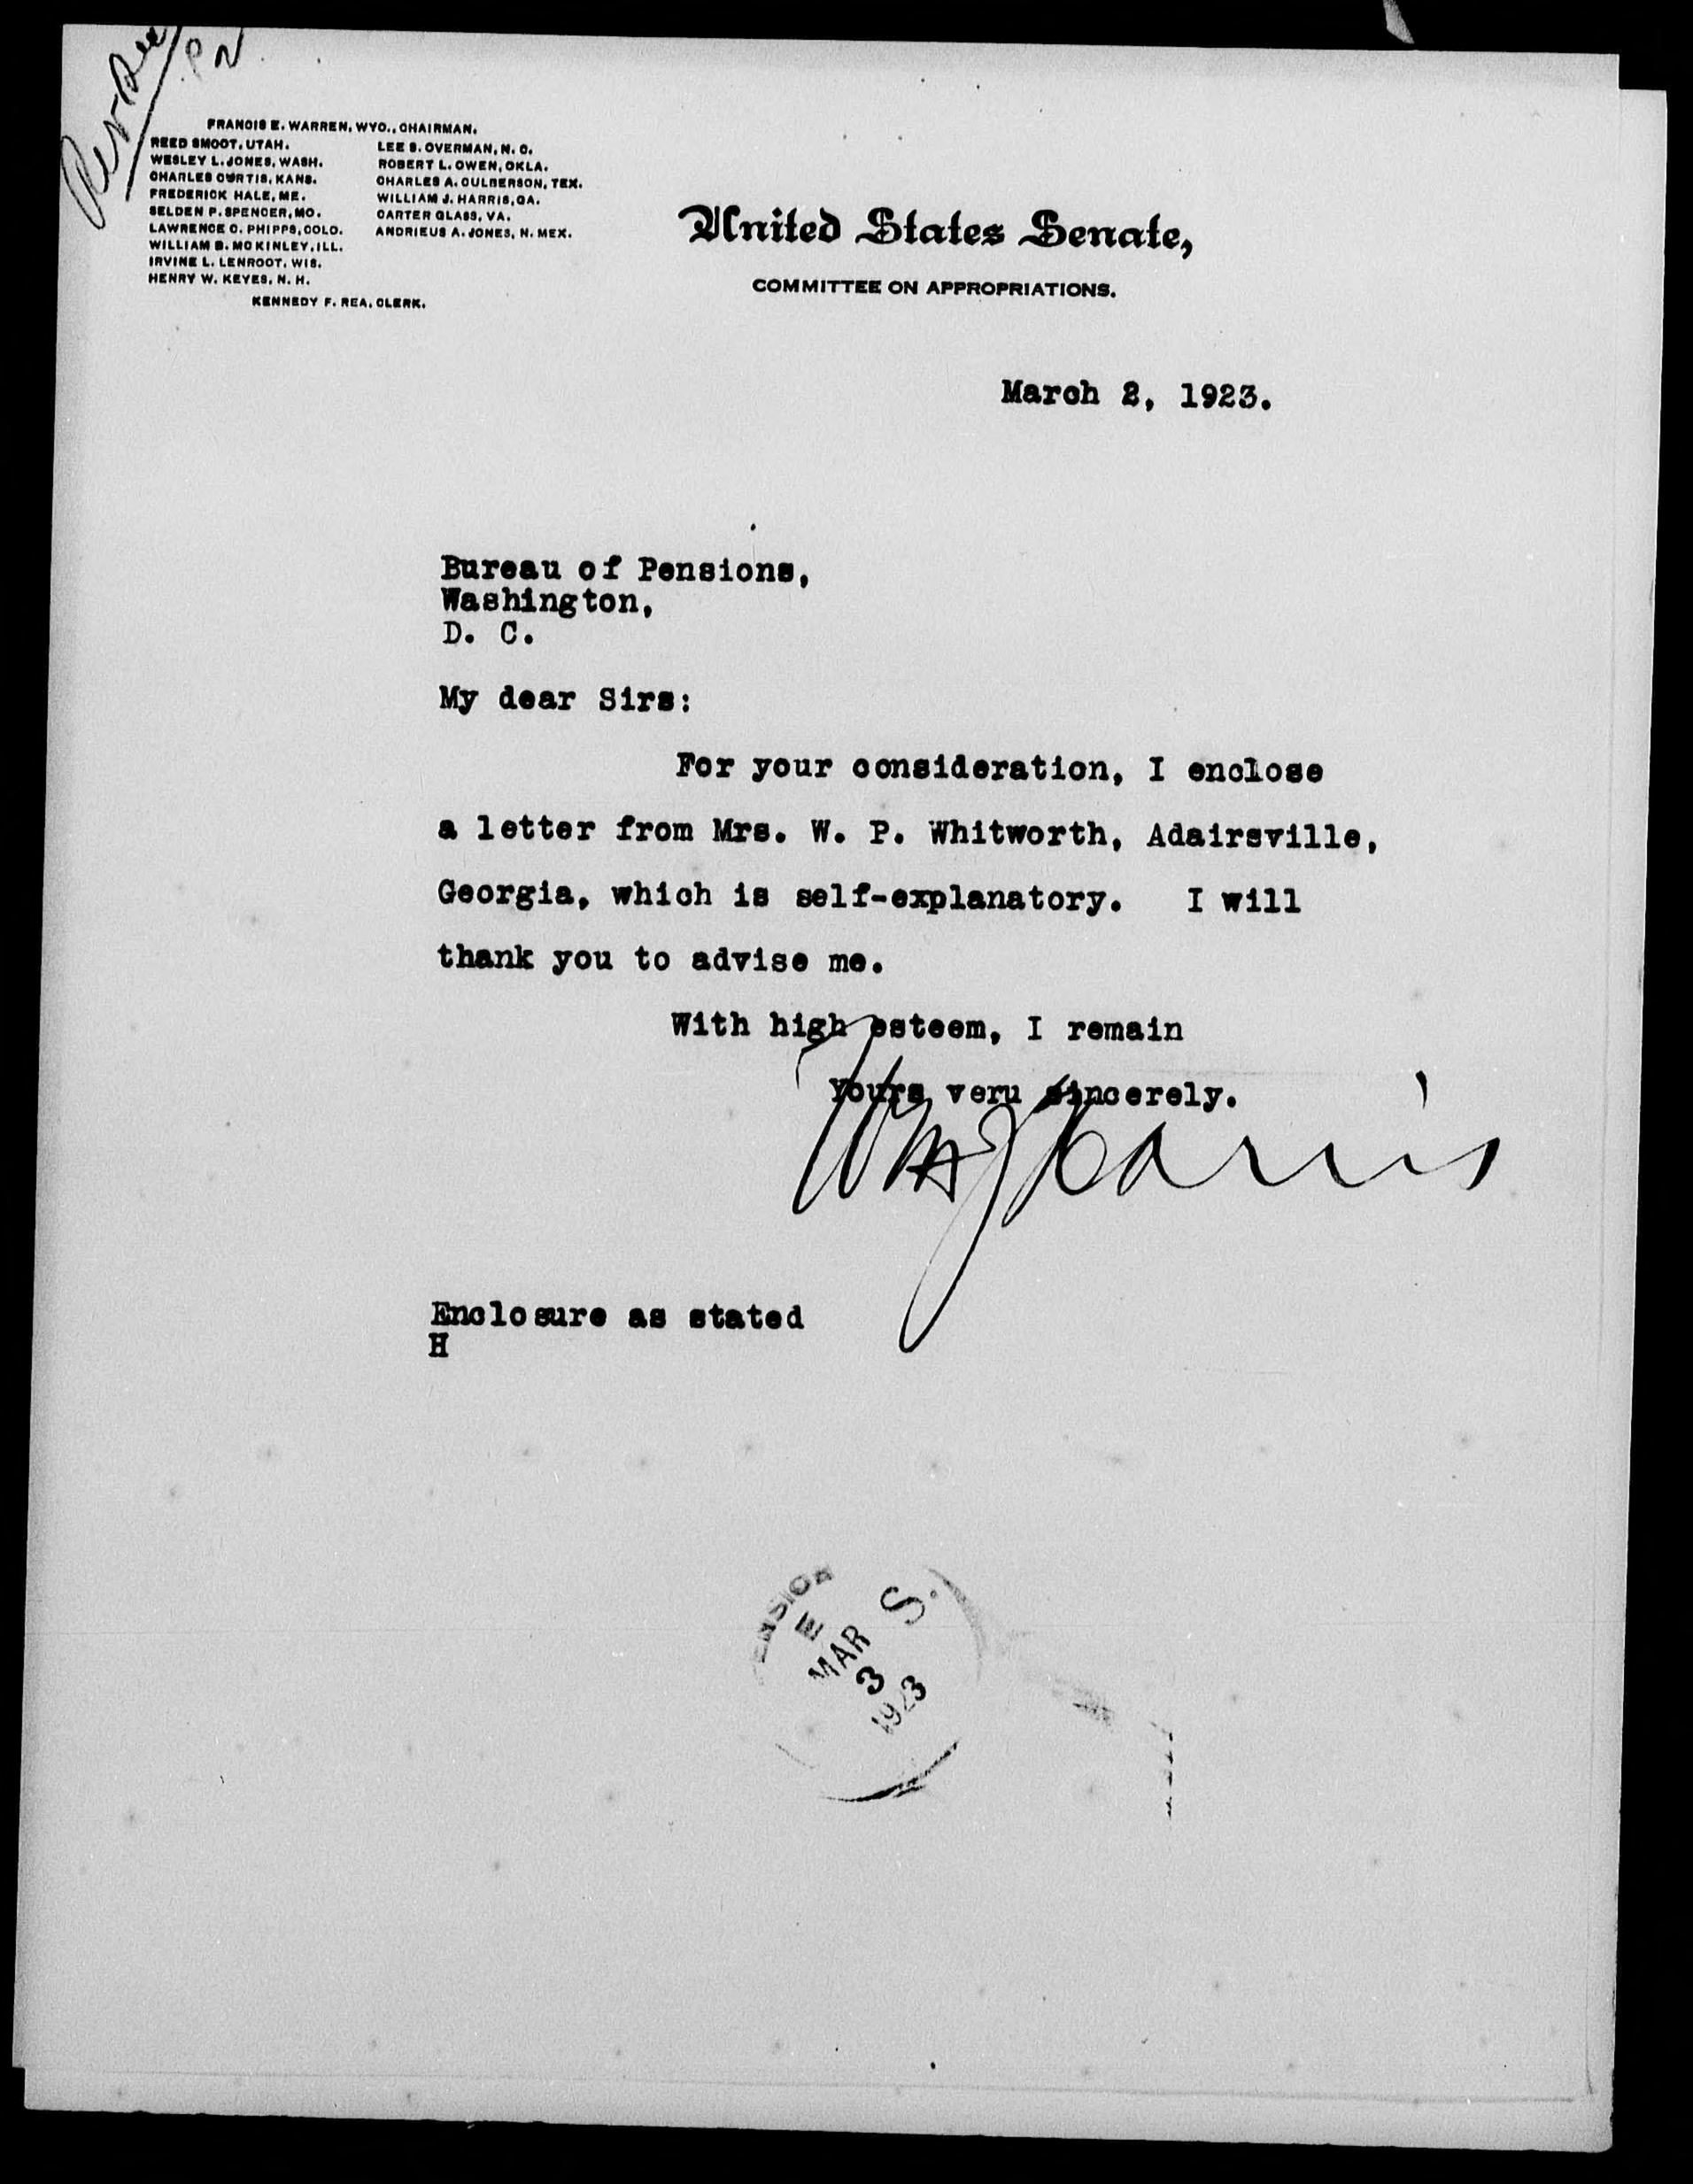Rev Sec PN

FRANCIS E. WARREN, WYO., CHAIRMAN.
REED SMOOT, UTAH. LEE S. OVERMAN, N. D.
WESLEY L. JONES, WASH. ROBERT L. OWEN, OKLA.
CHARLES CURTIS, KANS. CHARLES A. CULBERSON, TEX.
FREDERICK HALE, ME. WILLIAM J. HARRIS, GA.
SELDON F. SPENCER, MO. CARTER GLASS, VA.
LAWRENCE C. PHIPPS, COLO. ANDRIEUS A. JONES, N. MEX.
WILLIAM S. MCKINLEY, ILL.
IRVINE L. LENROOT, WIS.
HENRY W. KEYES, N. H.
KENNEDY F. REA, CLERK.

United States Senate,
COMMITTEE ON APPROPRIATIONS.

March 2, 1923.

Bureau of Pensions,
Washington, D. C.

My dear Sirs:
For your consideration, I enclose a letter from Mrs. W. P. Whitworth, Adairsville, Georgia, which is self-explanatory. I will thank you to advise me.
With high esteem. I remain
Yours very sincerely.
Wm J Harris

Enclosure as stated
H

[stamp] U.S. PENSION OFFICE E MAR 3 1923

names: Lawrence O Phipps, Irvine L Lenroot, Charles A Culberson, Frederick Hale, Selden F Spencer, Kennedy F Rea, Charles Curtis, Wesley L Jones, Carter Glass, William J Harris, Robert L Owen, Lee S Overman, Henry W Keyes, Reed Smoot, Wm J Harris, Andrieus A Jones, William B Mckinley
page: 16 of 24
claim: survivor's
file: S. 31,586, Hawkins Bullock, S.C.